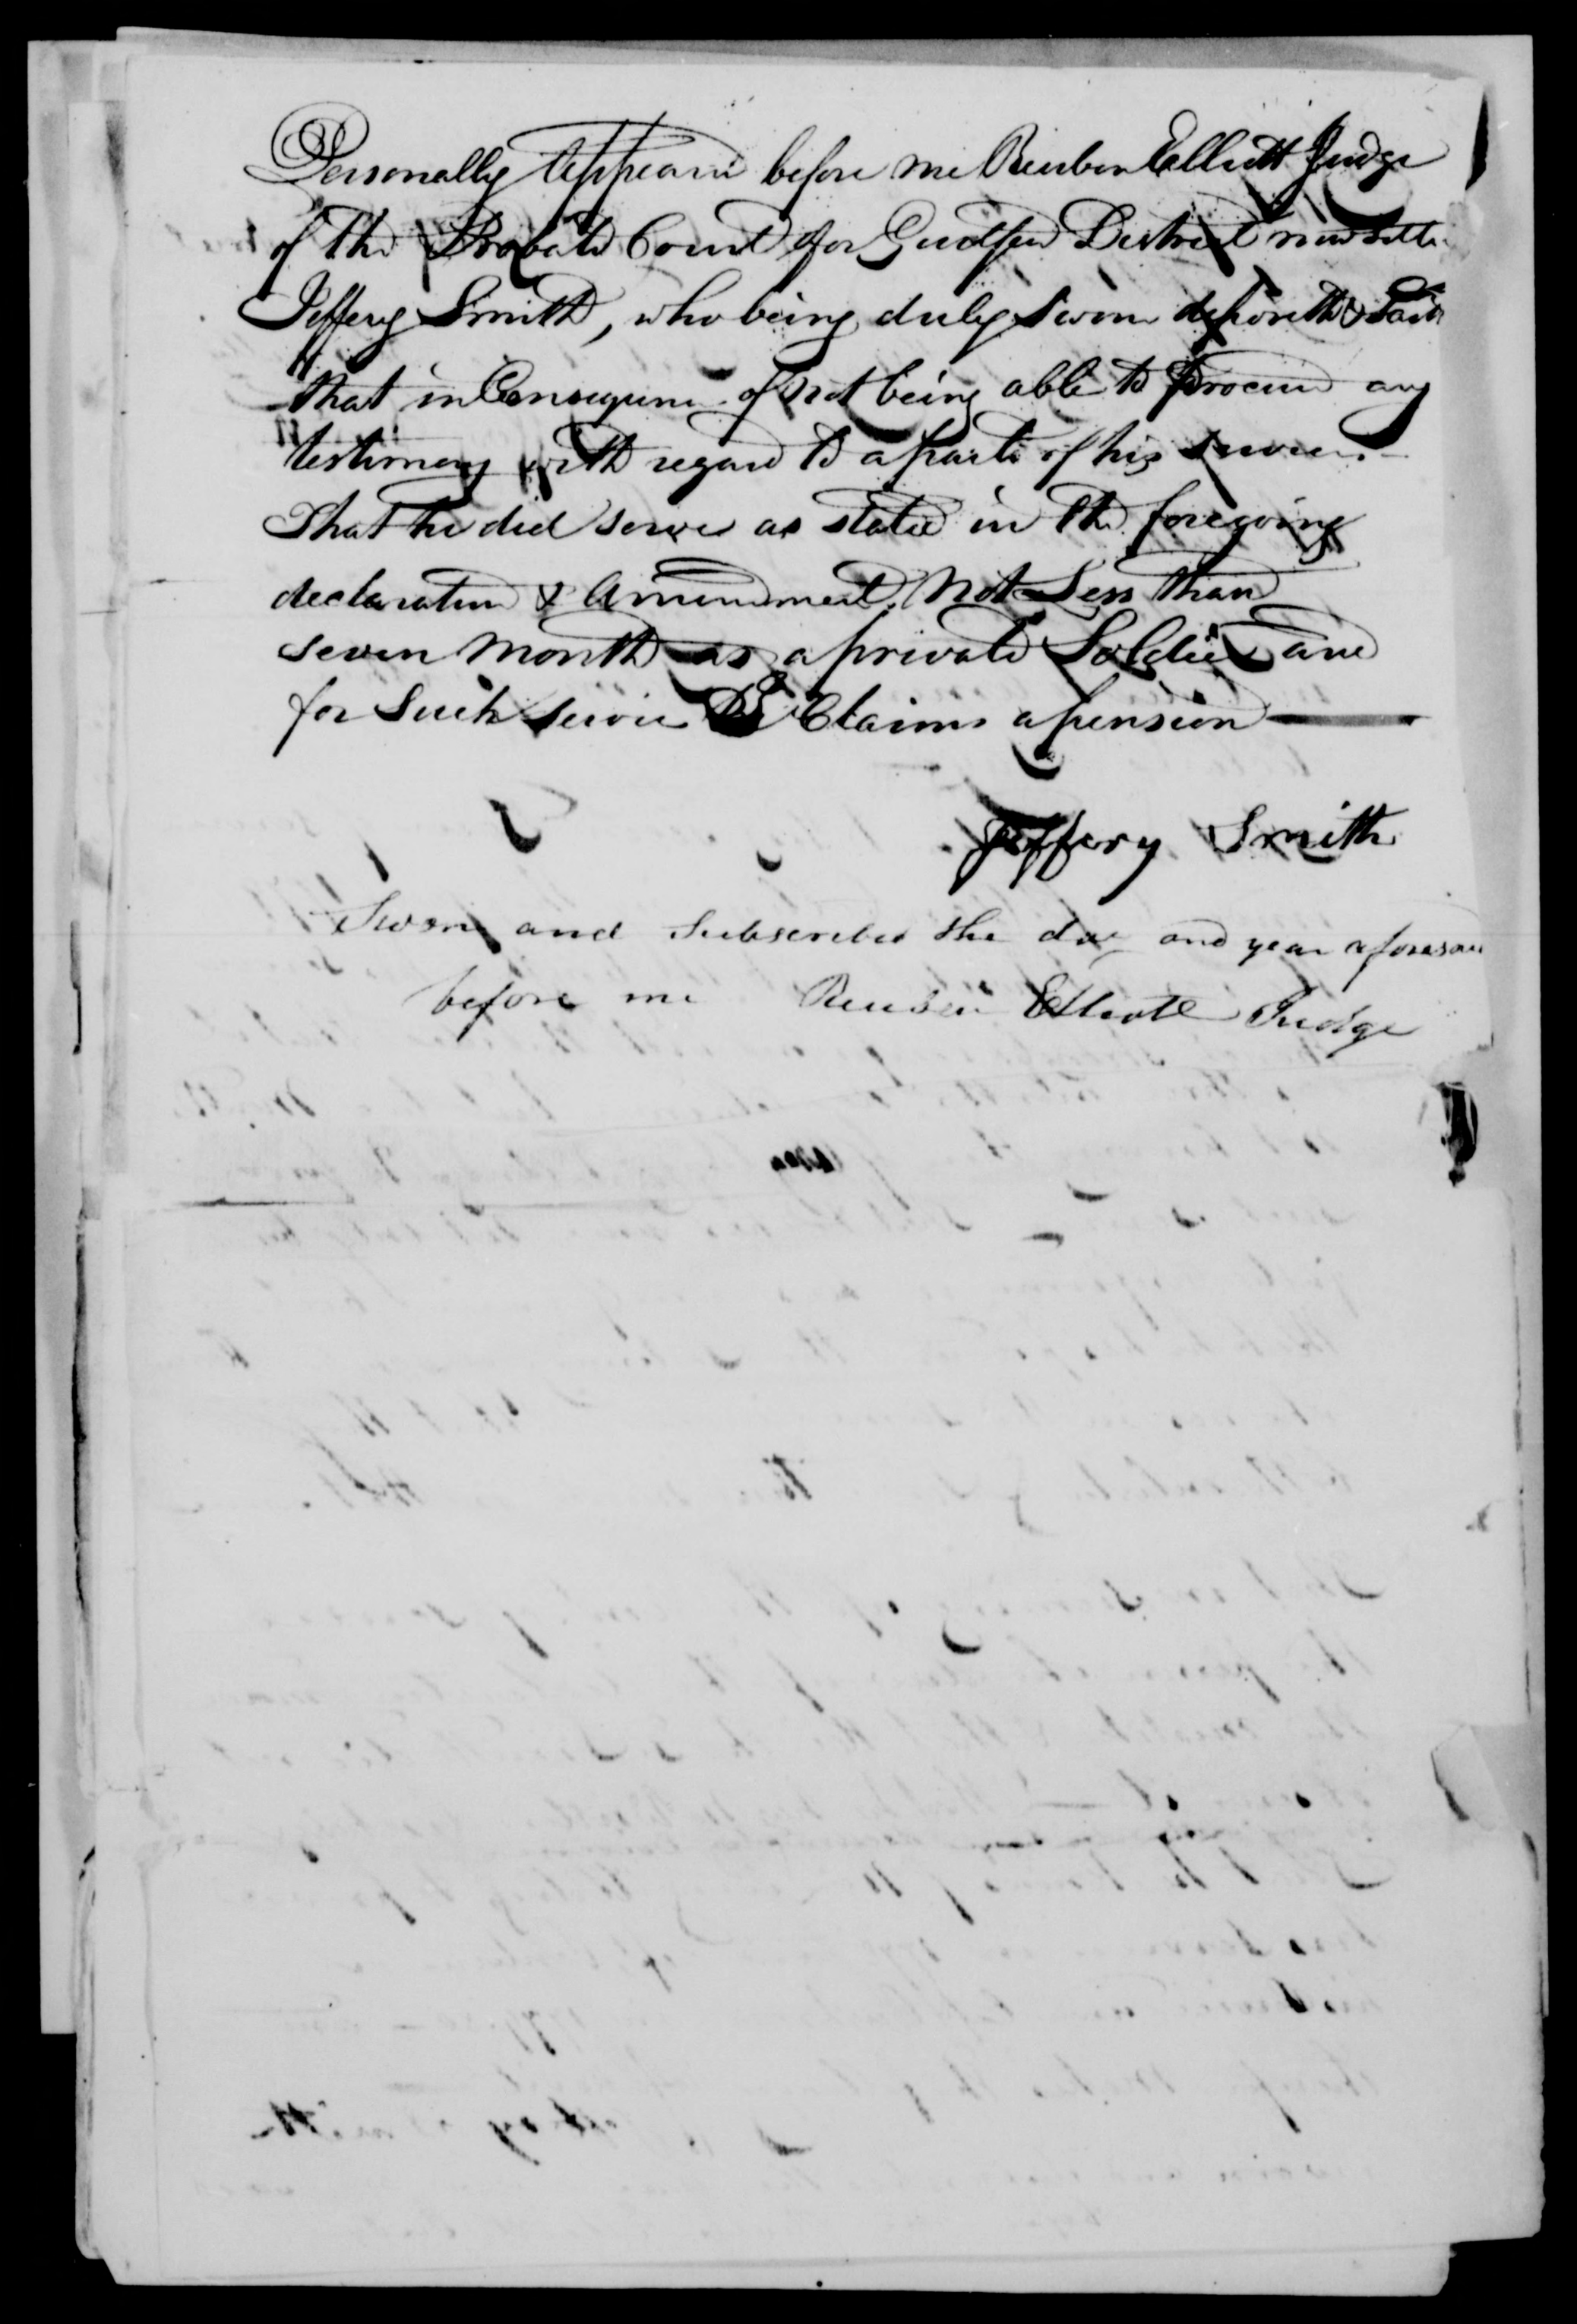Personally appeared before me Reuben Elliott Judge of the Probate Court for Guilford District [illegible] Jeffery Smith, who being duly sworn deposeth said that in consequence of not being able to procure any testimony with regard to a part of his service that he did serve as stated in the foregoing declaration & amendment not less than seven months as a private soldier and for such service claims a pension.

Jeffery Smith

Sworn and subscribed the day and year aforesaid before me
Reuben Elliott Judge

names: Reuben Elliott; Reuben Elliott; Jeffery Smith; Jeffery Smith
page: 12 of 19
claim: survivor's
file: S. 16250, for Jeffery Smith, Connecticut